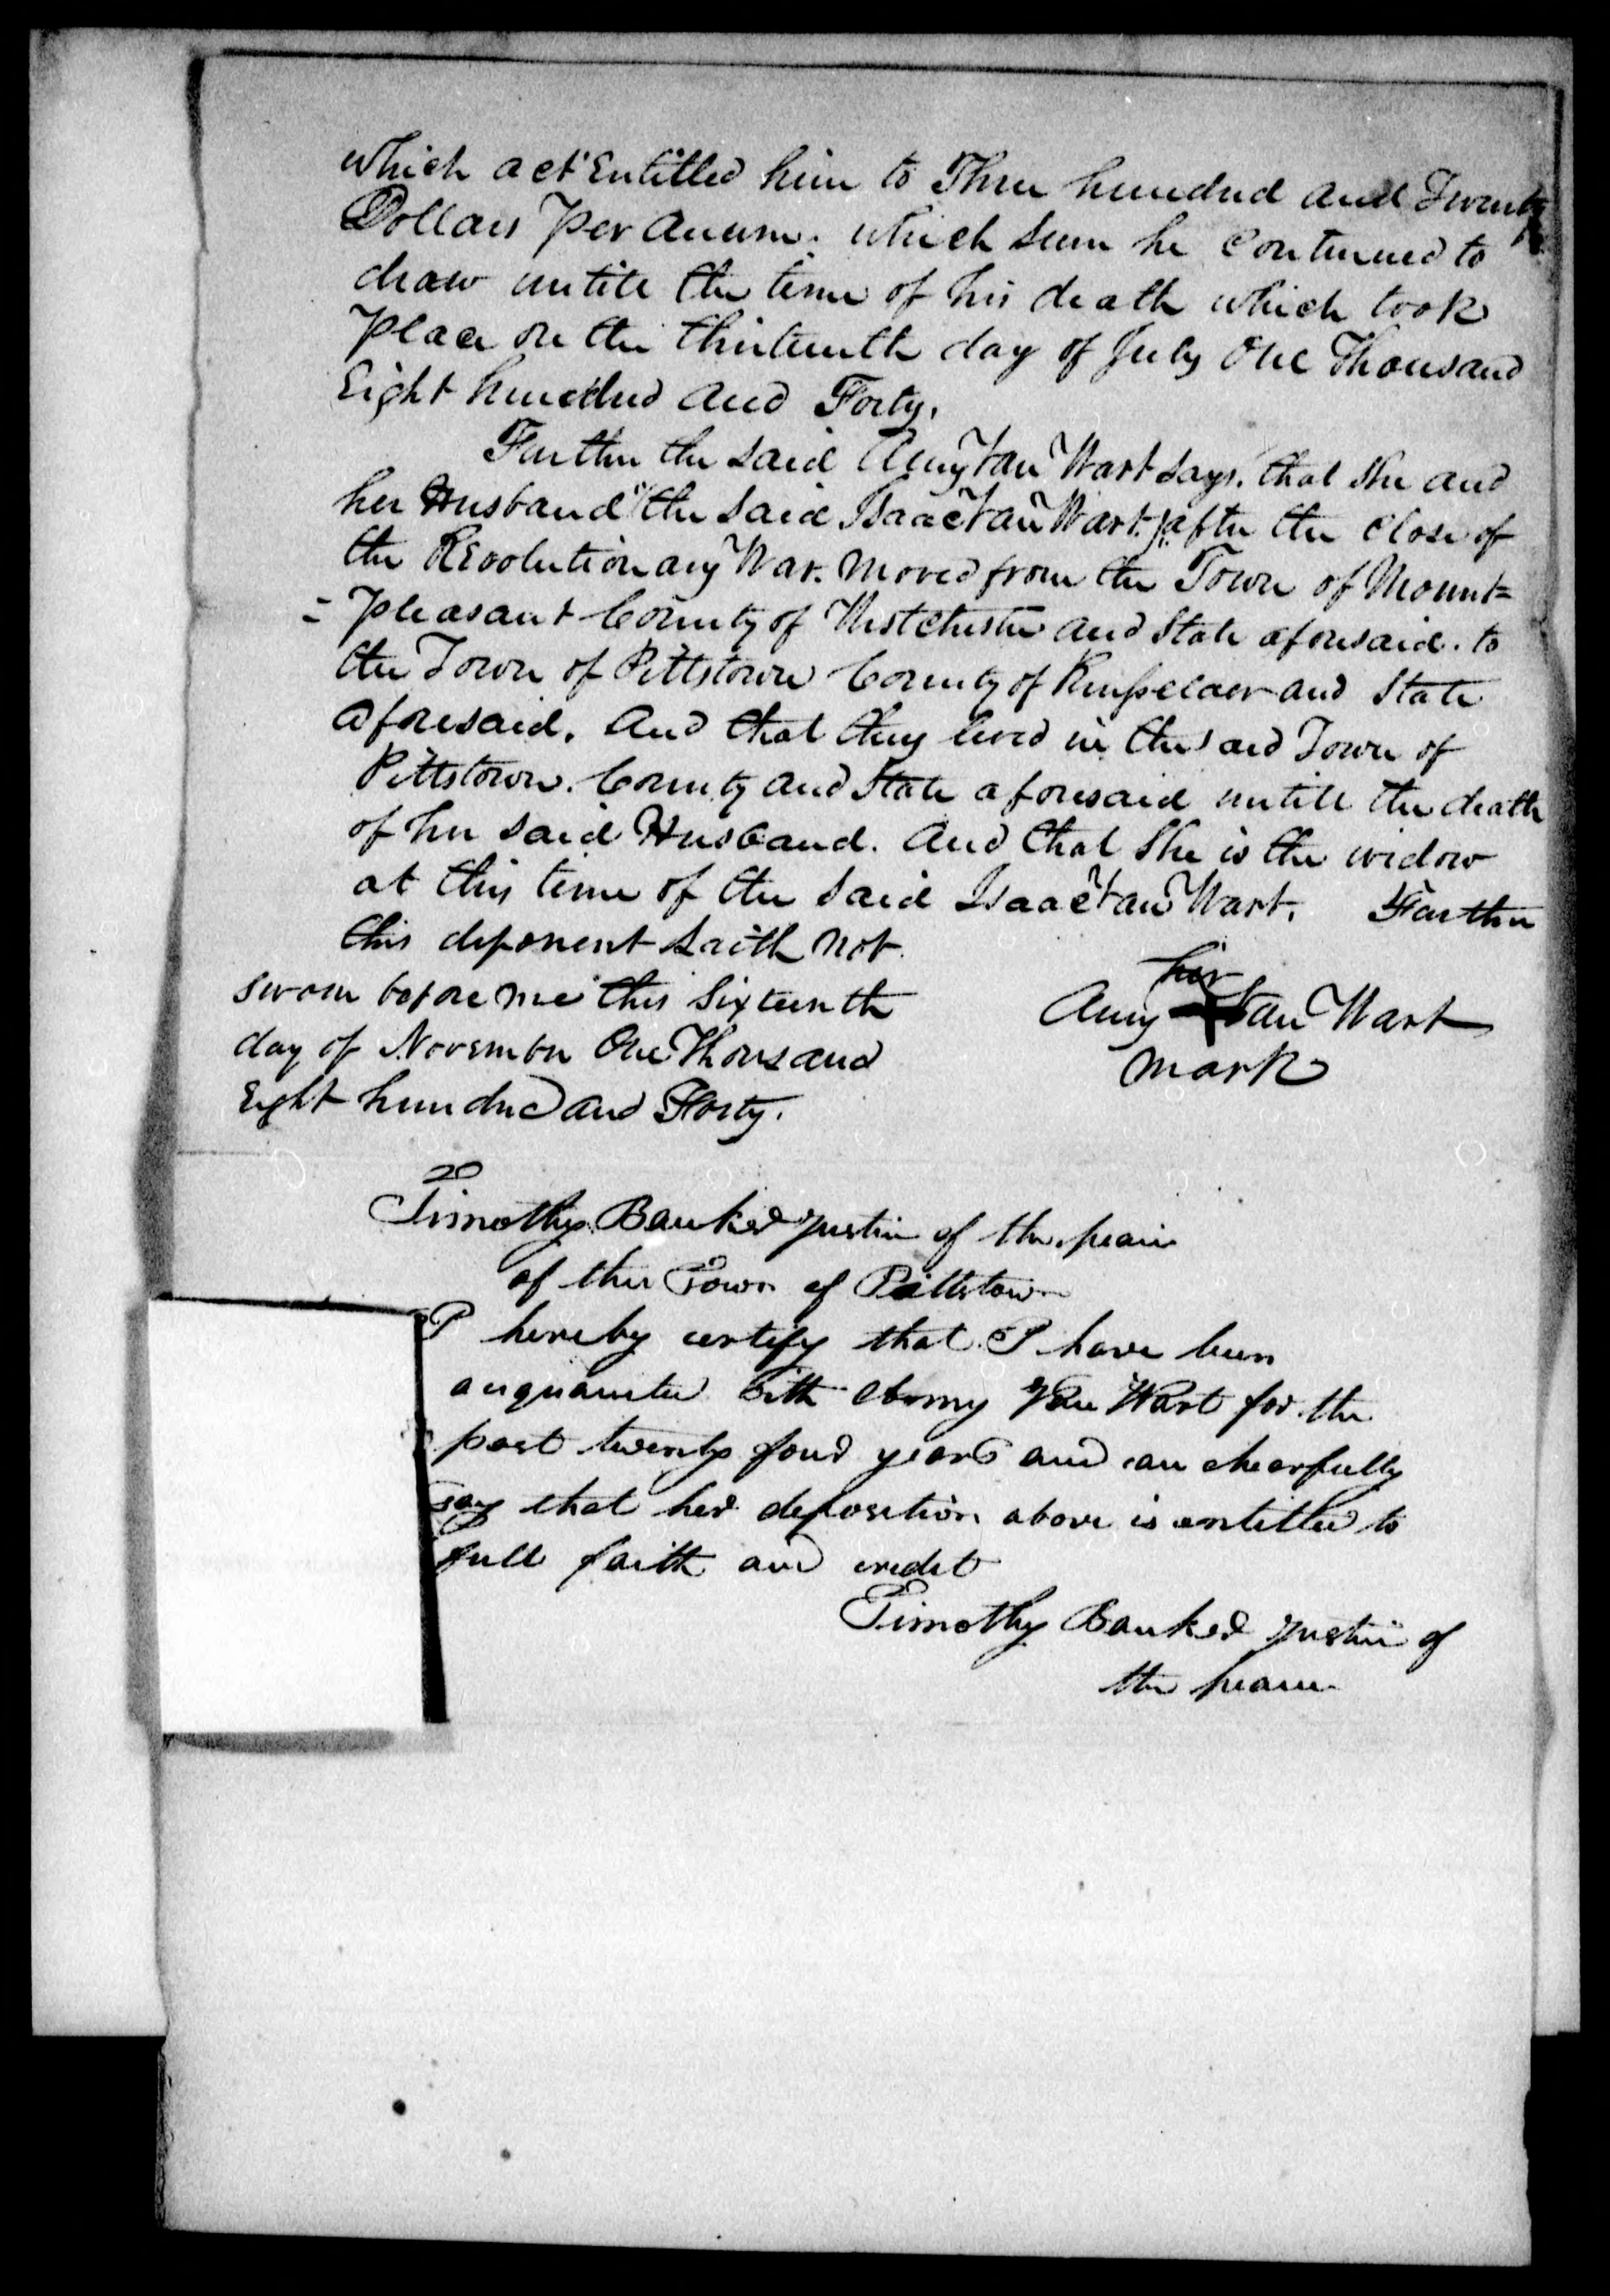which act entitled him to Three hundred and Twenty Dollars per annum which sum he continued to draw until the time of his death which took place on the thirteenth day of July One Thousand Eight hundred and Forty.

Further the said Amy Van Wart says that she and her husband "(the said Isaac Van Wart)" after the close of the Revolutionary War moved from the Town of Mount Pleasant & County of Westchester and the State aforesaid to the town of Pittstown County of Rensselaer and State aforesaid.  And that they lived in that said Town of Pittstown County and State aforesaid until the death of her said Husband.  And that she is the widow at this time of this said Isaac Van Wart. Further this deponent saith not.

Sworn before me this Sixteenth
day of November One Thousand
Eight hundred and Forty

[signed]
Amy Van Wart
(her mark)

Timothy Banks Justice of the peace of the town of Pittstown

I hereby certify that I have been acquainted with Amy Van Wart for the past twenty four years and can truthfully say that her deposition above is entitled to full faith and credit.

[signed] Timothy Banks Justice of the peace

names: Timothy Banker, Timothy Banker, Isaac Van Wart, Amy Van Wart, Amy Van Wart, Isaac Van Wart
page: 11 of 102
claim: widow's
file: W. 18239, Isaac Van Wart, New York